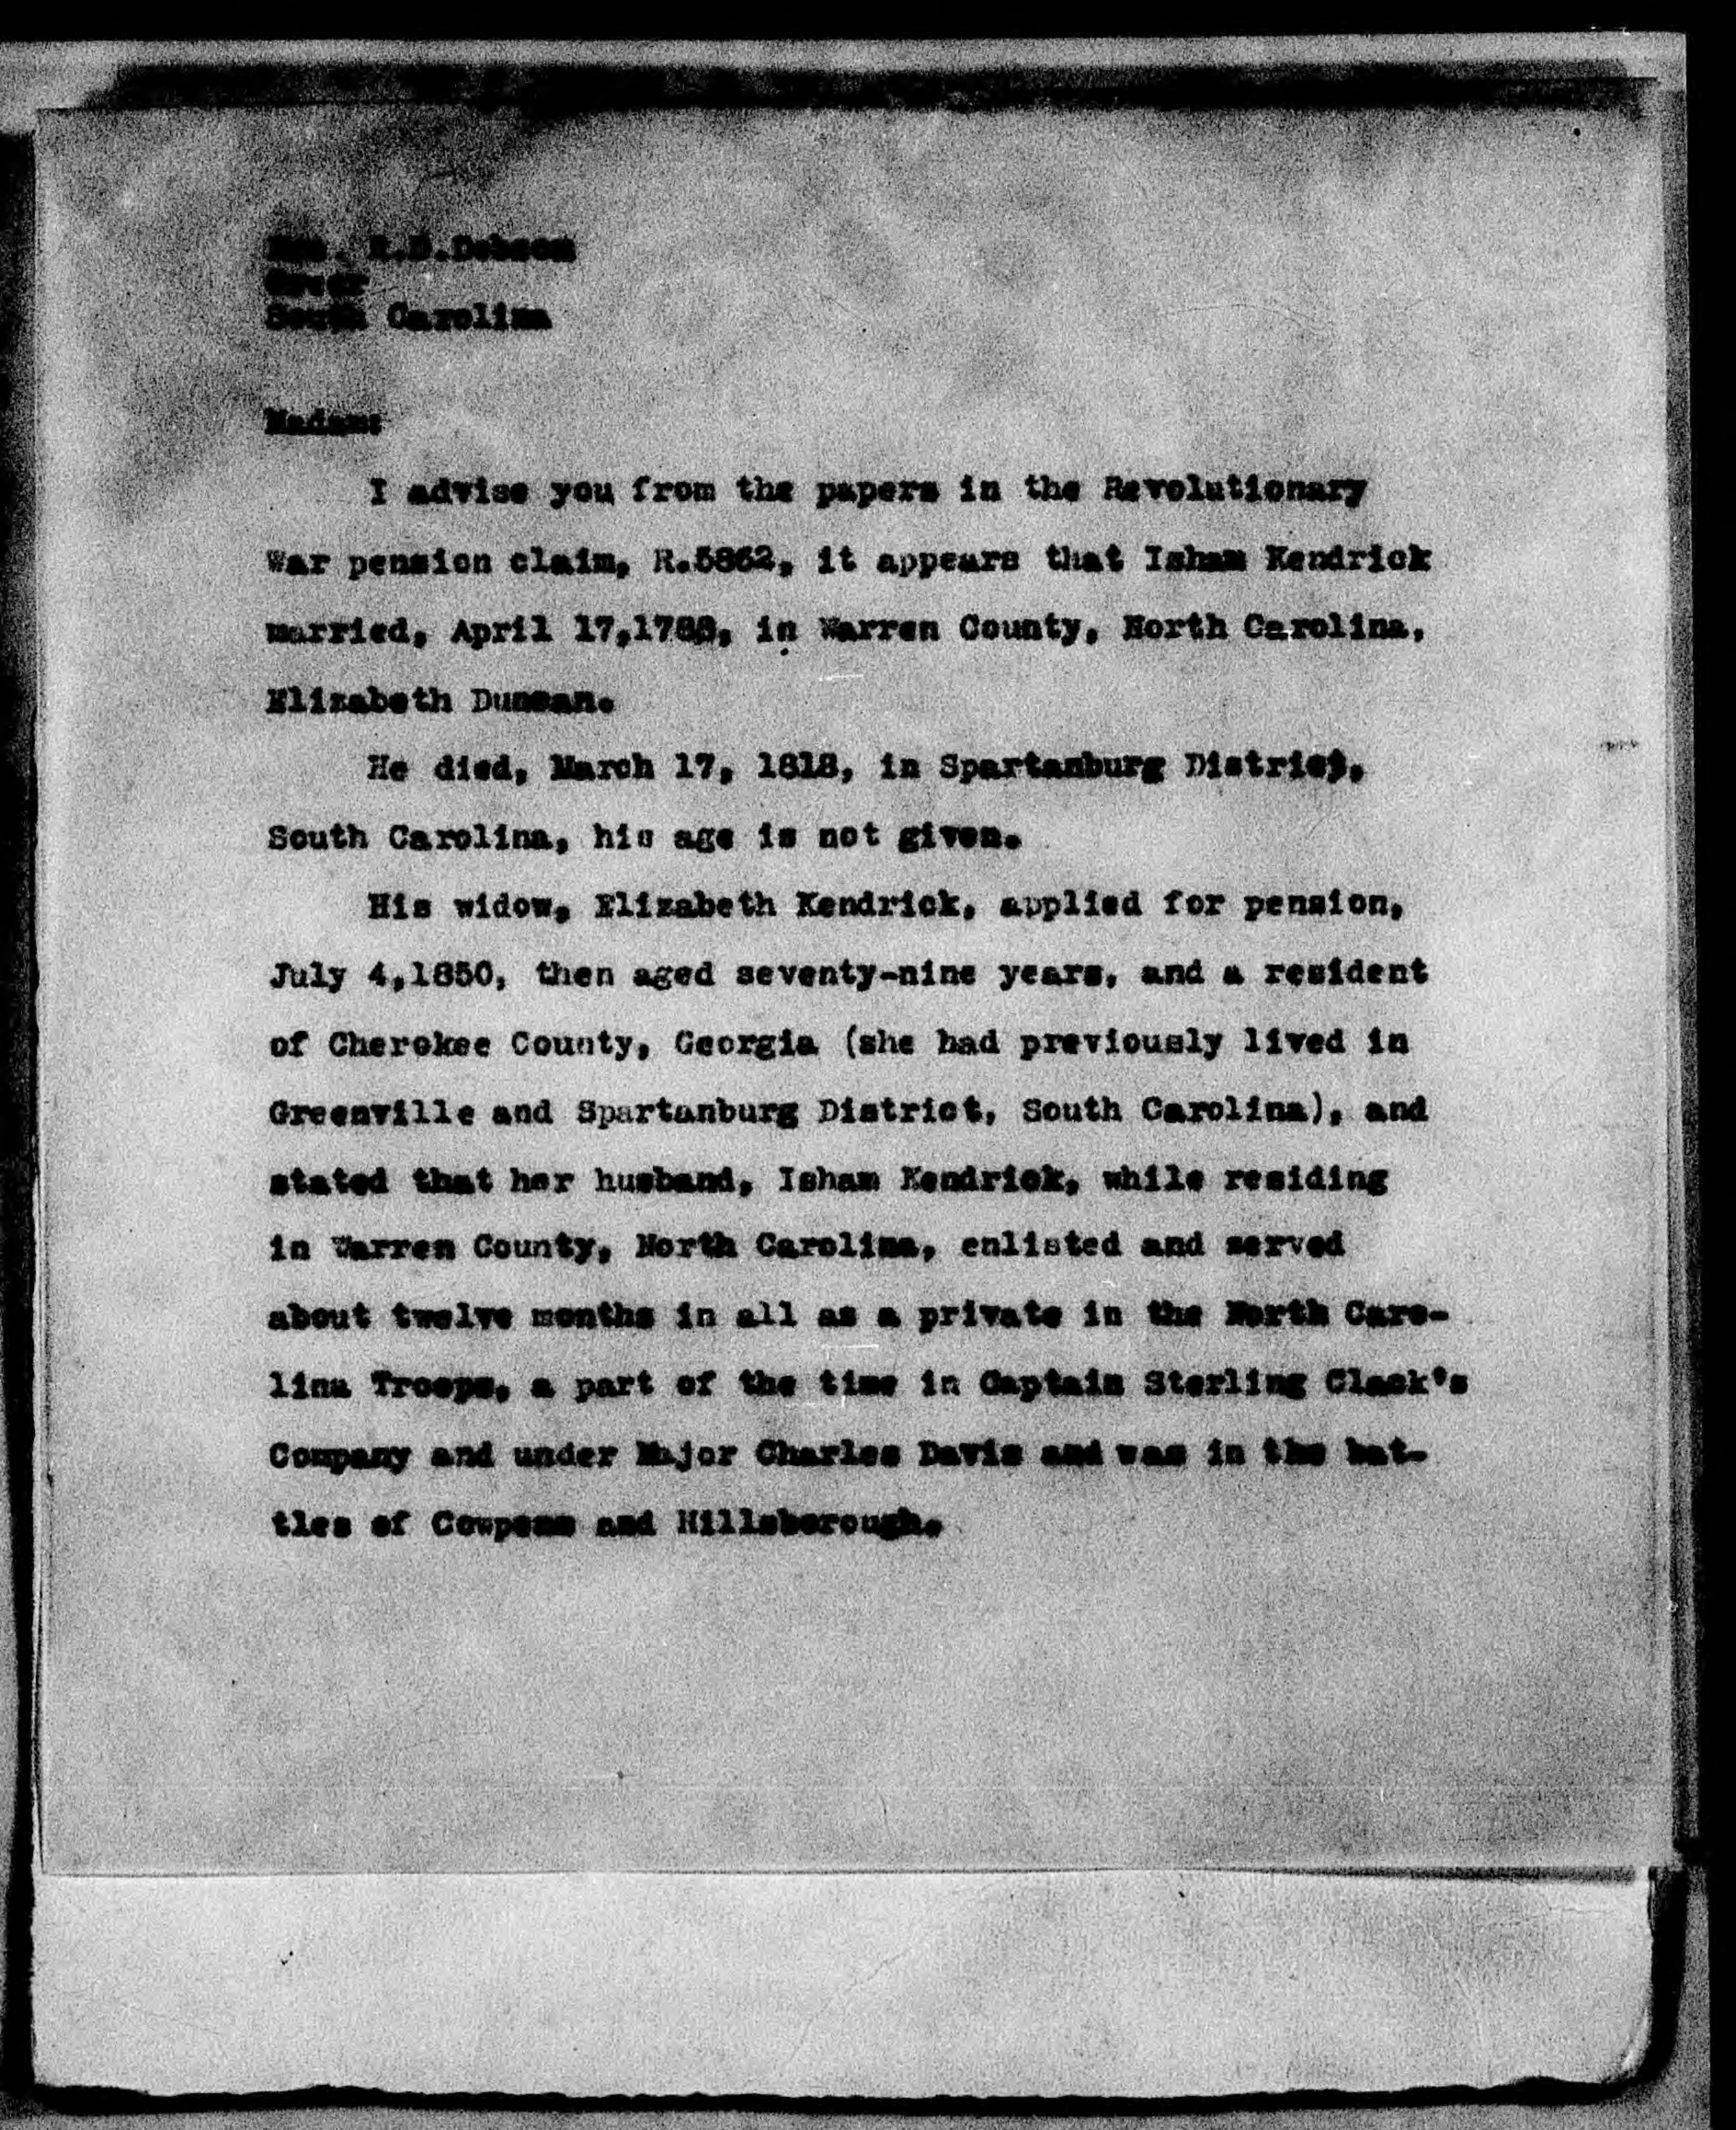Mrs. R. D. Dobson
Greer
South Carolina

Madam:

I advise you from the papers in the Revolutionary
War pension claim, R. 5862, it appears that Isham Kendrick
married, April 17, 1788, in Warren County, North Carolina,
Elizabeth Duncan.

He died, March 17, 1818, in Spartanburg District,
South Carolina, his age is not given.

His widow, Elizabeth Kendrick, applied for pension,
July 4, 1850, then aged seventy-nine years, and a resident 
of Cherokee County, Georgia (she had previously lived in 
Greenville and Spartanburg District, South Carolina), and 
stated that her husband, Isham Kendrick, while residing
in Warren County, North Carolina, enlisted and served
about twelve months in all as a private in the North Carolina
Troops, a part of the time in Captain Sterling Clack's 
Company and under Major Charles Davis and was in the 
battles of Cowpens and Hillsborough.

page: 27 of 29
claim: rejected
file: R. 5862, for Isham Kendrick, North Carolina